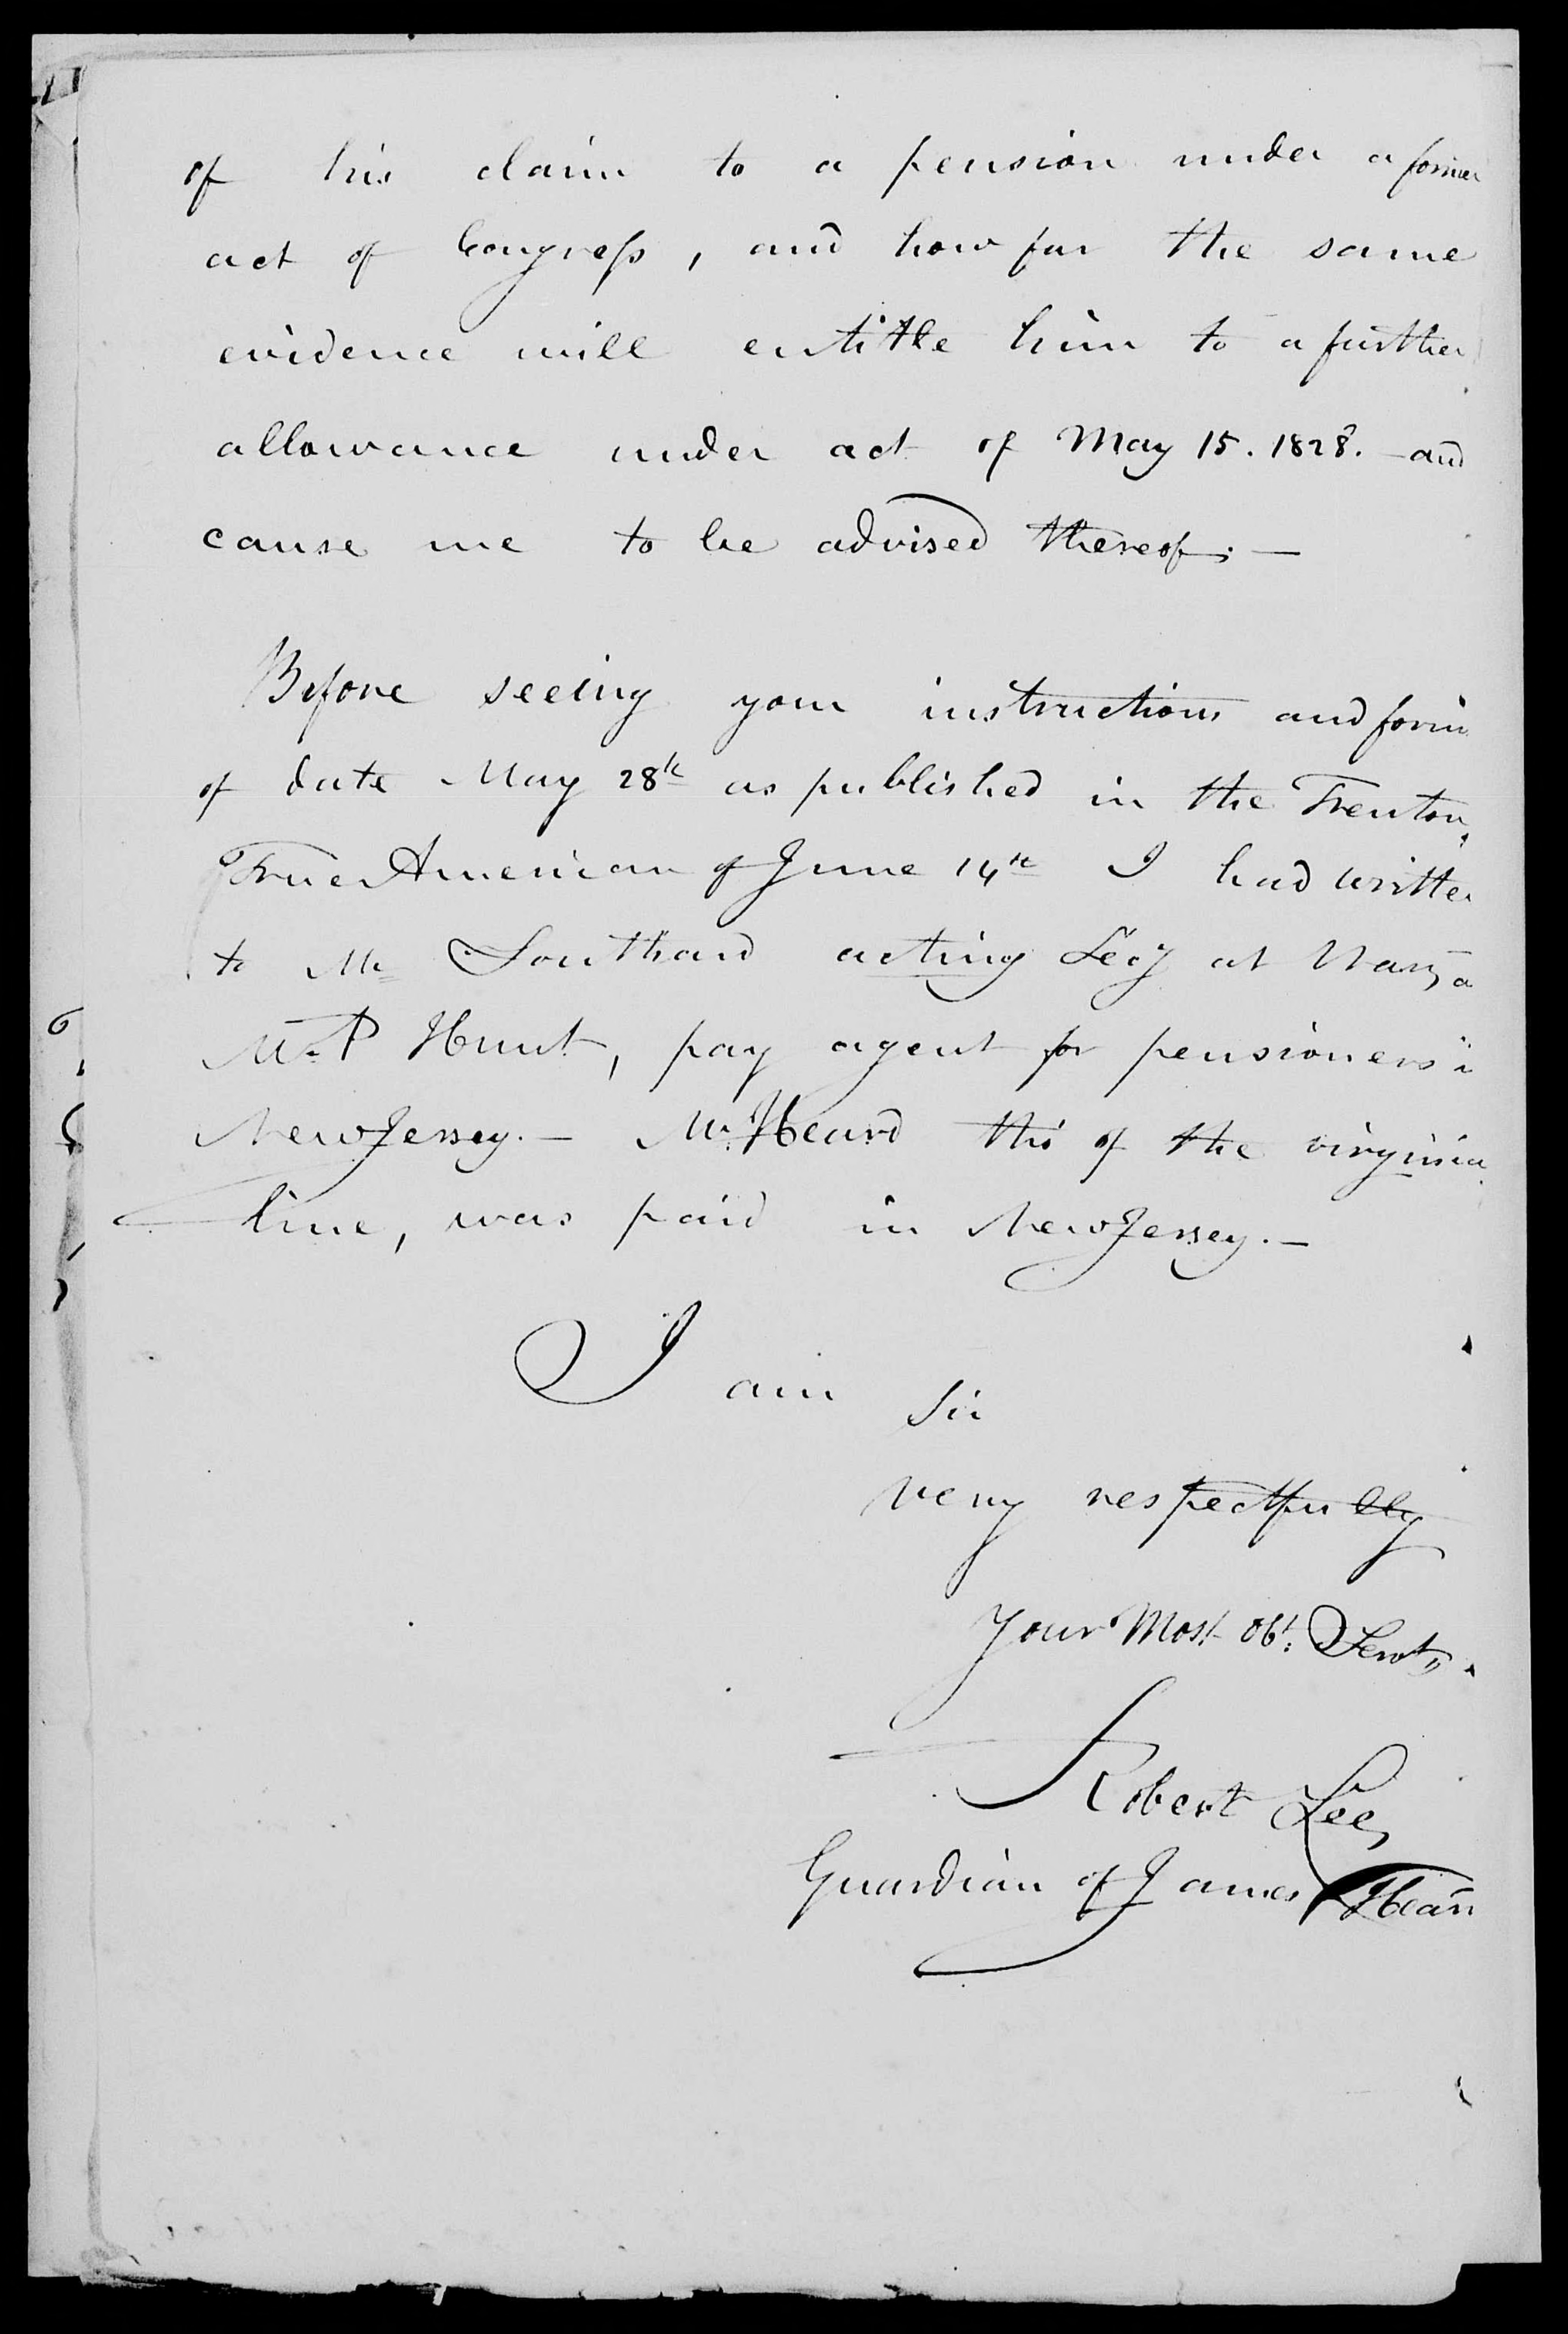Of his claim to a pension under a former act of Congress, and how far the same evidence will entitle him to a further allowance under act of May 15, 1828 and cause me to be advised thereof.

Before seeing your instruction, from the date May 28th as published in the [newspaper] Trenton Free American on June 16th, I had written to Mr. Southard [Illegible] and Mr. [Pearson] Hunt, [the] pay agent for pensioners in New Jersey, [that] Mr. Heard of the Virginia line, was paid in New Jersey. 

I am sir very respectfully your most obedient servant, 

Robert Lee 
Guardian of James Heard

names: Heard, Southard, P Hunt, Robert Lee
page: 28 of 62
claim: survivor's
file: S. 540, James Heard, Continental - New Jersey Residence In 1818